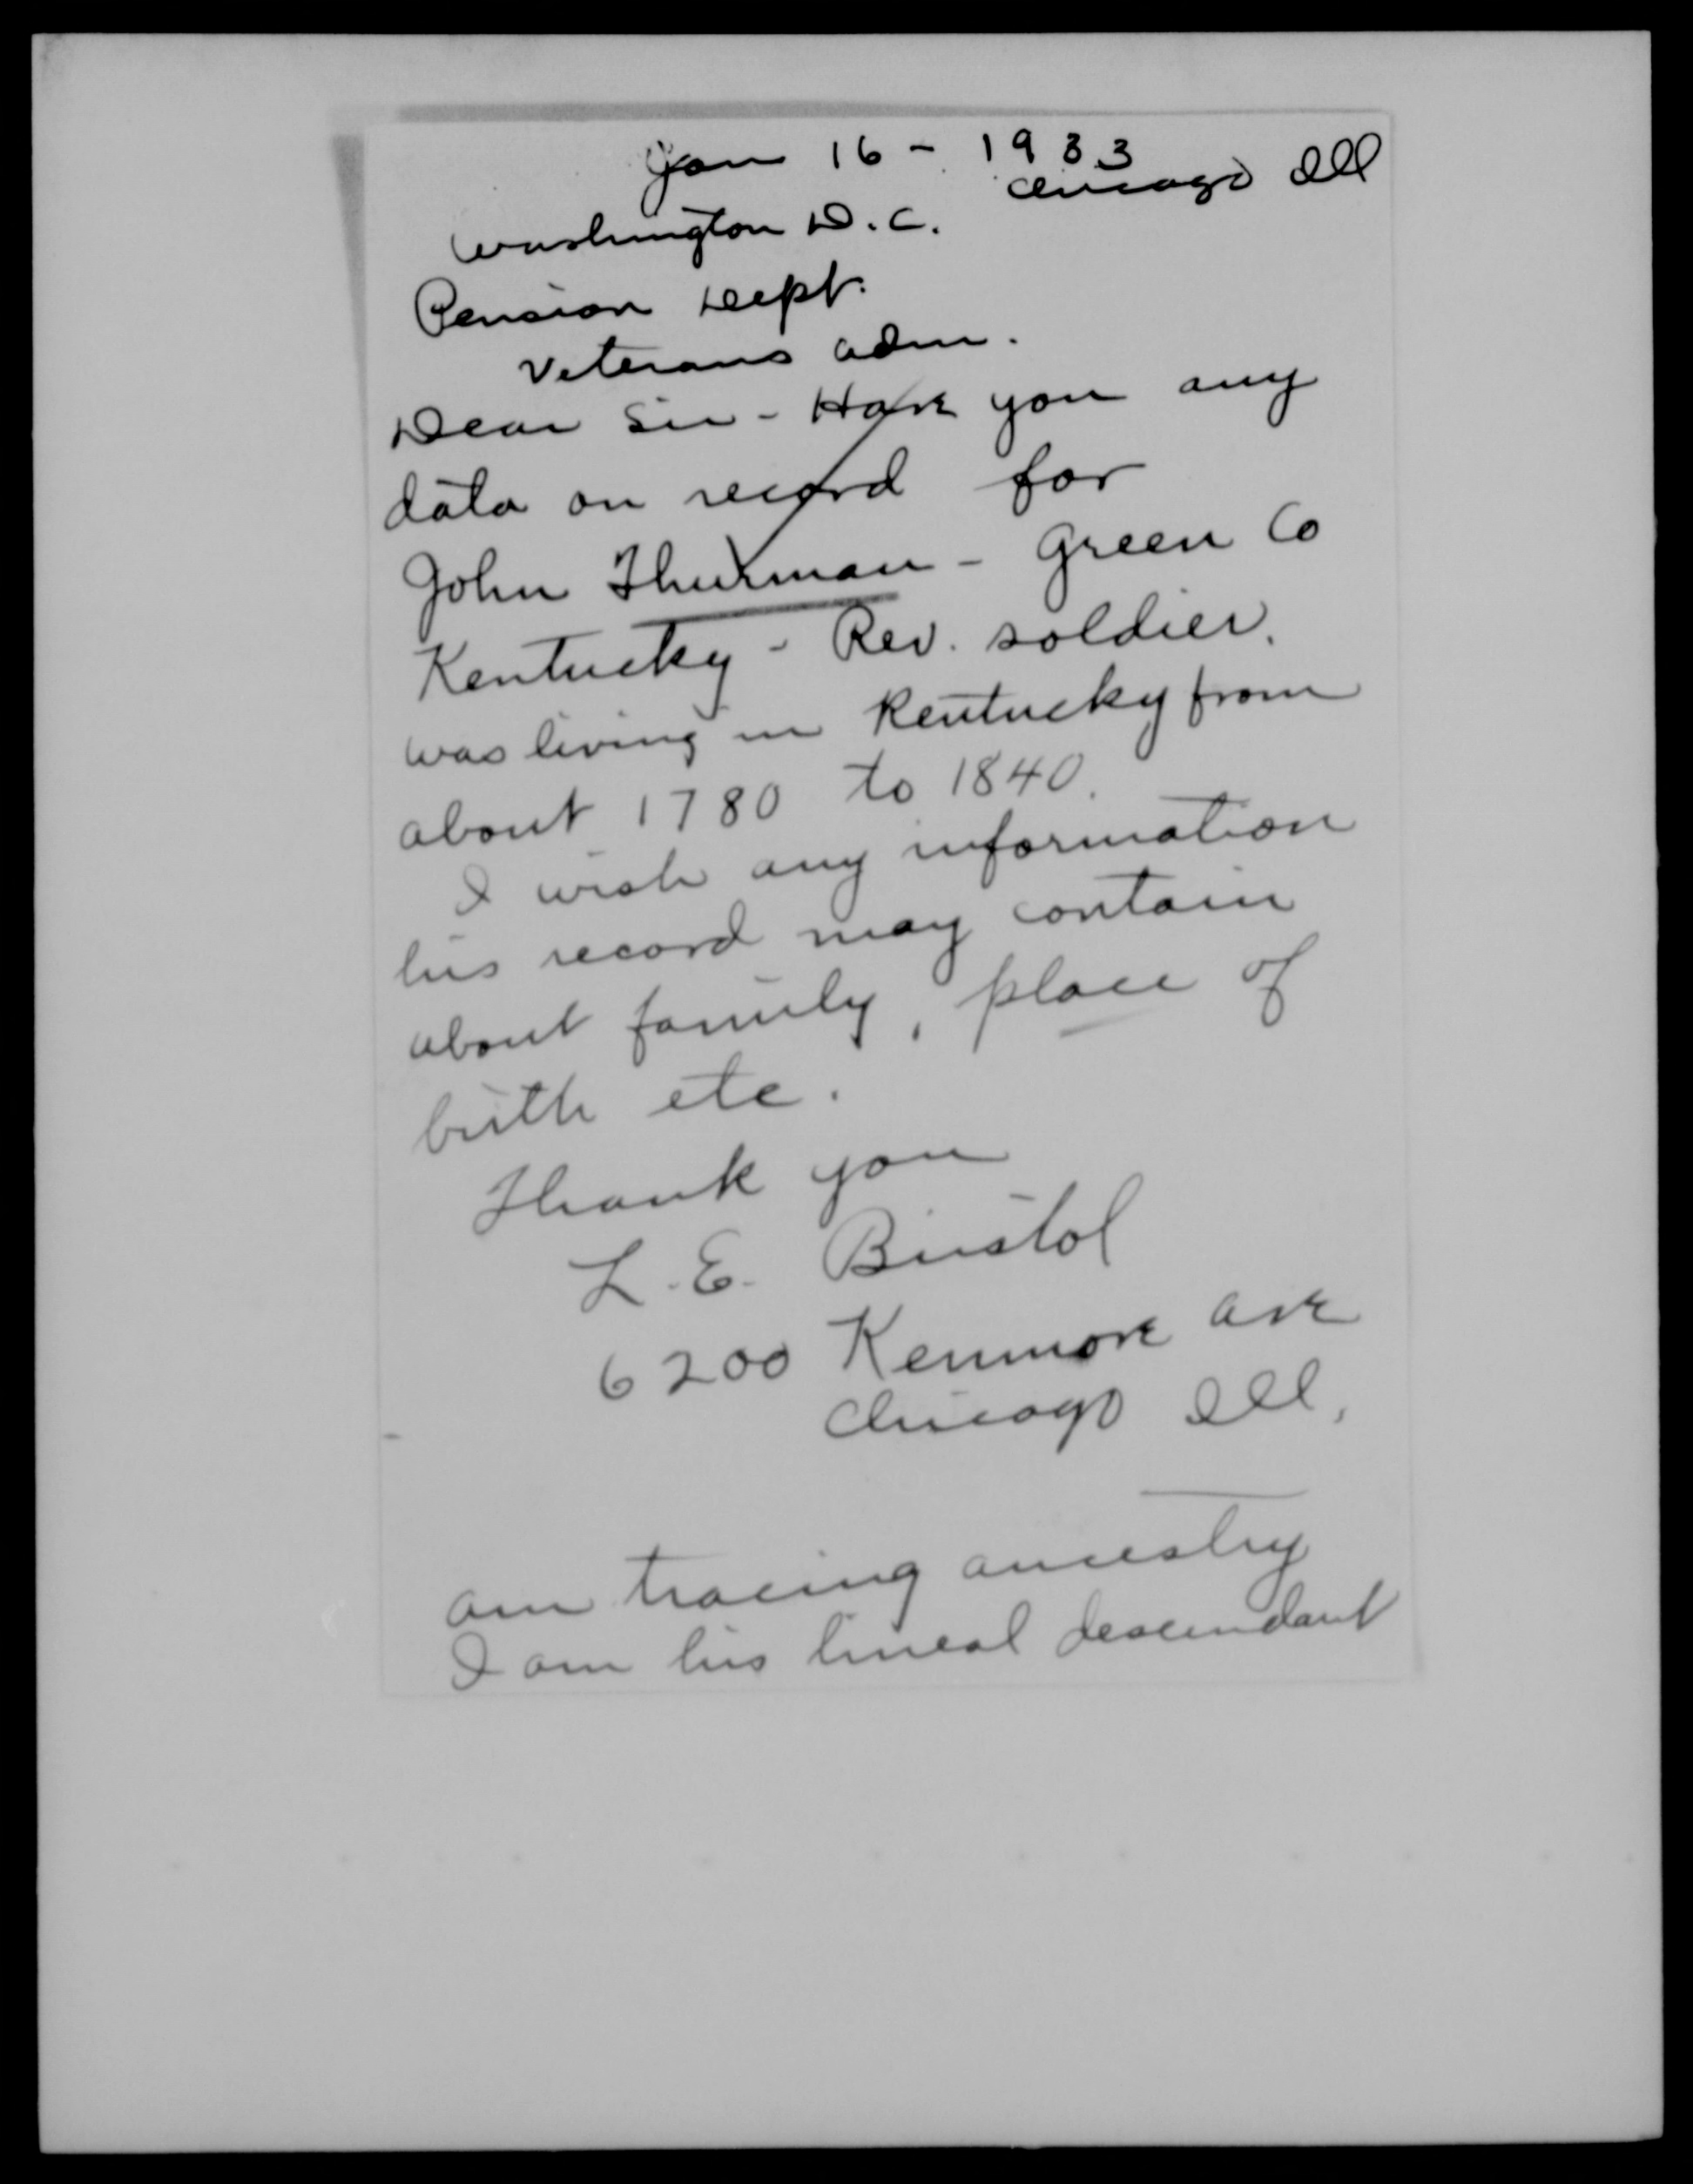Jan 16 - 1933 Chicago , Ill                   Washington  D.C. Pension Dept. Veterans Adm. Dear Sir - Have you any data on record for john [Thurman ( checked and underscored ) ] - Green  Co., Kentucky - Rev. soldier was living in Kentucky from about 1780 to 1840 . I wish any information his record may contain about family , place ( underscored ) of birth, etc. Thank you L. E. Bristol  ( signed ) 6200 Kenmore Ave. Chicago , Ill.  am tracing ancestry & am his lineal descendant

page: 40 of 53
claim: widow's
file: W. 6,267, for John Thurman, Georgia